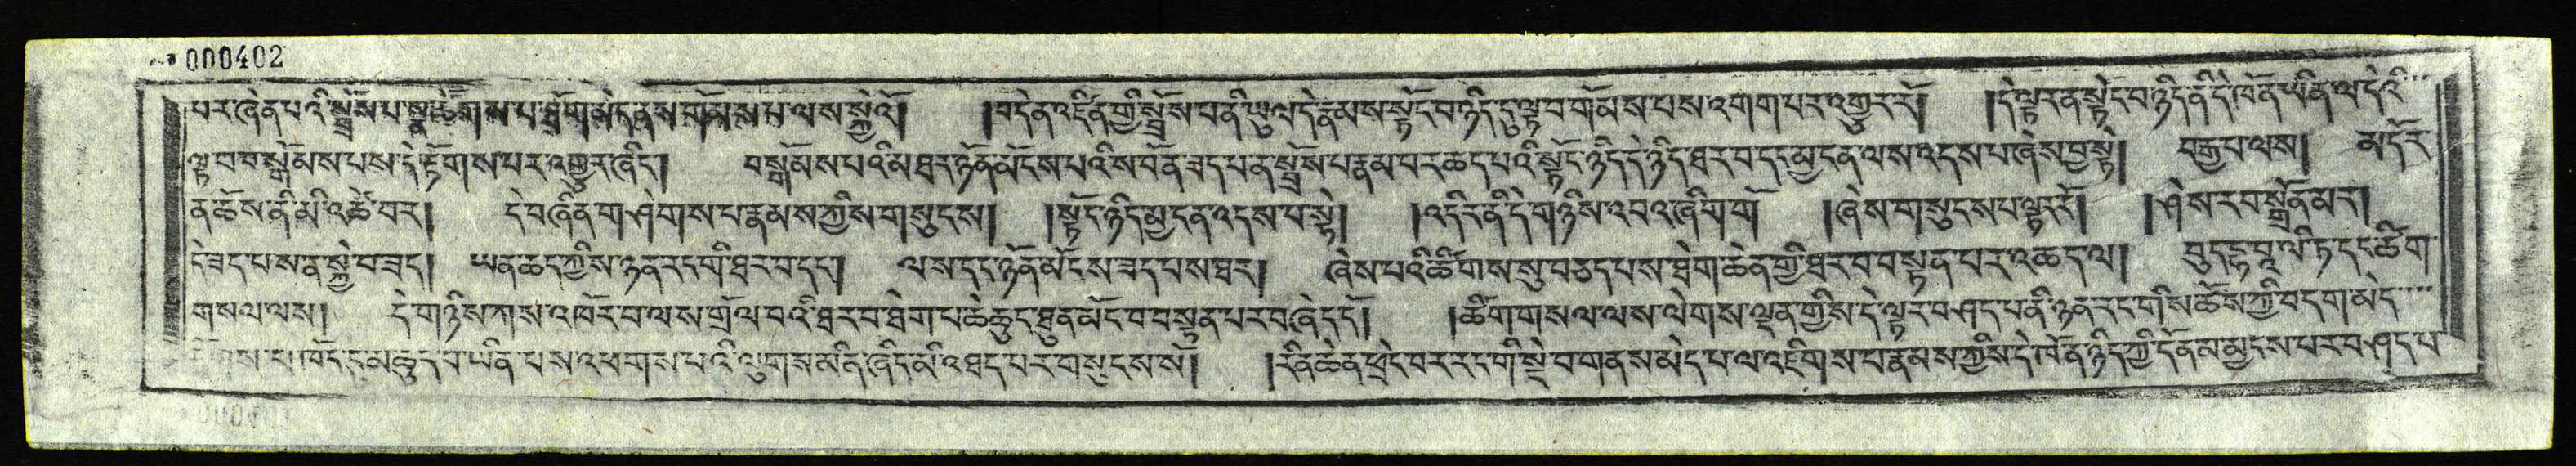པར་ཞེན་པའི་སྤྲོས་པ་སྣ་ཚོགས་པ་ཐོག་མེད་ནས་གོམས་པ་ལས་སྐྱེའོ། །བདེན་འཛིན་གྱི་སྤྲོས་པ་ནི་ཡུལ་དེ་རྣམས་སྟོང་པ་ཉིད་དུ་ལྟ་བ་གོམས་པས་འགག་པར་འགྱུར་རོ། །དེ་ལྟར་ན་སྟོང་བ་ཉིད་ནི་དེ་ཁོ་ན་ཡིན་ལ་དེའི་
ལྟ་བ་བསྒོམས་པས་དེ་རྟོགས་པར་འགྱུར་ཞིང་། བསྒོམས་པའི་མཐར་ཉོན་མོངས་པའི་ས་བོན་ཟད་པ་ན་སྤྲོས་པ་རྣམ་བར་ཆད་པའི་སྟོང་ཉིད་དེ་ཉིད་ཐར་བ་དང་མྱ་ངན་ལས་འདས་པ་ཞེས་བྱ་སྟེ། བརྒྱ་པ་ལས། མདོར་
ན་ཆོས་ནི་མི་འཚེ་བར། དེ་བཞིན་གཤེགས་པ་རྣམས་ཀྱིས་གསུངས། །སྟོང་ཉིད་མྱ་ངན་འདས་པ་སྟེ། །འདིར་ནི་དེ་གཉིས་འབའ་ཞིག་གོ །ཞེས་གསུངས་པ་ལྟར་རོ། །ཤེས་རབ་སྒྲོན་མར།
དེ་ཟད་པས་ན་སྐྱེ་བ་ཟད། ཡན་ཆད་ཀྱིས་ཉན་རང་གི་ཐར་བ་དང་། ལས་དང་ཉོན་མོངས་ཟད་པས་ཐར། ཞེས་པའི་ཚིགས་སུ་བཅད་པས་ཐེག་ཆེན་གྱི་ཐར་བ་བསྟན་པར་འཆད་ལ། བུད་དྷ་པཱ་ལི་ཏ་དང་ཚིག་
གསལ་ལས། དེ་གཉིས་ཀས་འཁོར་བ་ལས་གྲོལ་བའི་ཐར་བ་ཐེག་པ་ཆེ་ཆུང་ཐུན་མོང་བ་བསྟན་པར་བཞེད་དོ། །ཚིག་གསལ་ལས་ལེགས་ལྡན་གྱིས་དེ་ལྟར་བཤད་པ་ནི་ཉན་རང་གིས་ཆོས་ཀྱི་བདག་མེད་
དོགས་པ་ཁོང་དུ་མ་ཆུད་བ་ཡིན་པས་འཕགས་པའི་ལུགས་མིན་ཞིང་མི་འཐད་པར་གསུངས་སོ། །རིན་ཆེན་ཕྲེང་བར་རང་གི་སྡེ་བ་གནས་མེད་པ་ལ་འཇིགས་པ་རྣམས་ཀྱིས་དེ་ཁོ་ན་ཉིད་ཀྱི་དོན་མ་མྱངས་པར་བཤད་པ་